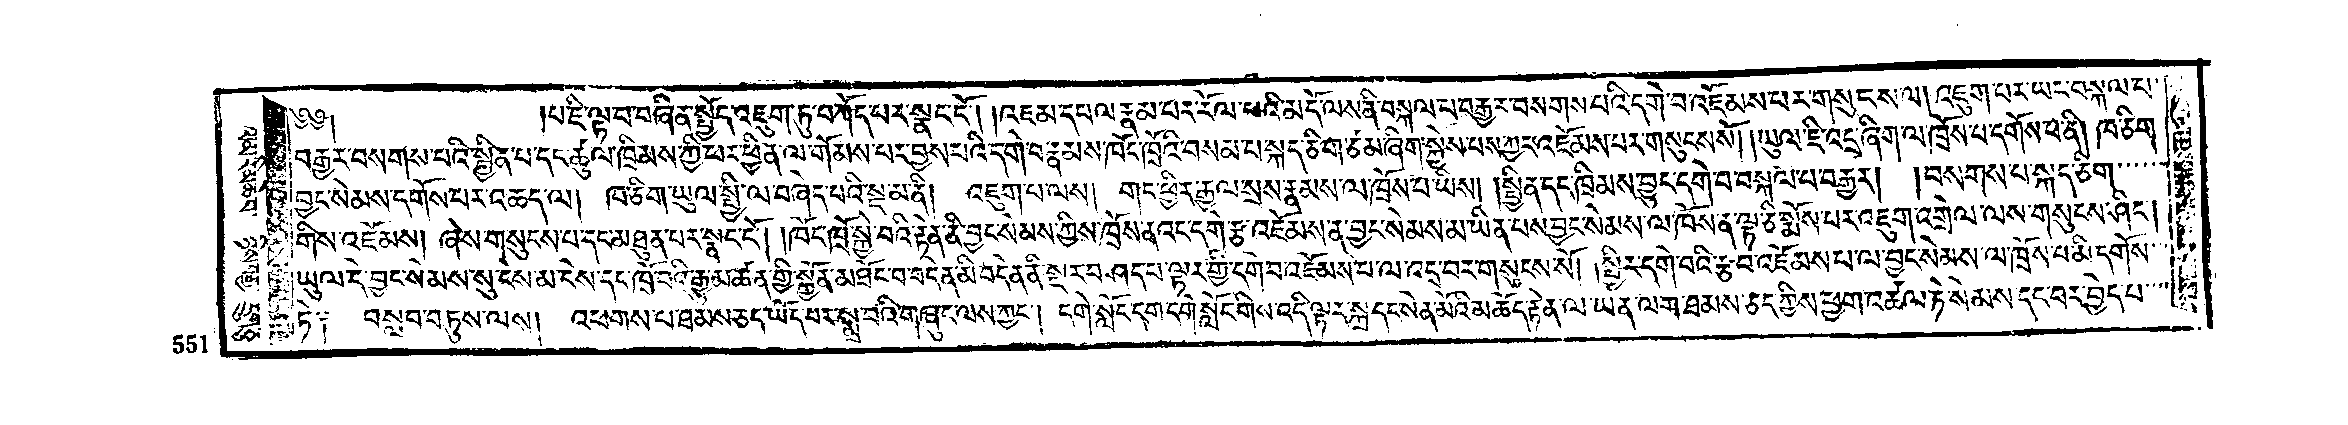༄༅། །པ་ཇི་ལྟ་བ་བཞིན་སྤྱོད་འཇུག་ཏུ་བཀོད་པར་སྣང་ངོ། །འཇམ་དཔལ་རྣམ་པར་རོལ་པའི་མདོ་ལས་ནི་བསྐལ་པ་བརྒྱར་བསགས་པའི་དགེ་བ་འཇོགས་པར་གསུངས་ལ། འཇུག་པར་ཡང་བསྐལ་པ་
བརྒྱར་བསགས་པའི་སྦྱིན་པ་དང་ཚུལ་ཁྲིམས་ཀྱི་ཕར་ཕྱིན་ལ་གོམས་པར་བྱས་པའི་དགེ་བ་རྣམས་ཁོང་ཁྲོའི་བསམ་པ་སྐད་ཅིག་ཙམ་ཞིག་སྐྱེས་པས་ཀྱང་འཇོམས་པར་གསུངས་སོ། །ཡུལ་ཇི་འདྲ་ཞིག་ལ་ཁྲོས་པ་དགོས་པ་ནི། ཁ་ཅིག་
བྱང་སེམས་དགོས་པར་འཆད་ལ། ཁ་ཅིག་ཡུལ་སྤྱི་ལ་བཞེད་པའི་སྔ་མ་ནི། འཇུག་པ་ལས། གང་ཕྱིར་རྒྱལ་སྲས་རྣམས་ལ་ཁྲོས་པ་ཡིས། །སྦྱིན་དང་ཁྲིམས་བྱུང་དགེ་བ་བསྐལ་པ་བརྒྱར། །བསགས་པ་སྐད་ཅིག་
གིས་འཇོམས། ཞེས་གསུངས་པ་དང་མཐུན་པར་སྣང་ངོ། །ཁོང་ཁྲོ་སྐྱེ་བའི་རྟེན་ནི་བྱང་སེམས་ཀྱིས་ཁྲོས་ནའང་དགེ་རྩ་འཇོམས་ན་བྱང་སེམས་མ་ཡིན་པས་བྱང་སེམས་ལ་ཁྲོས་ན་ལྟ་ཅི་སྨོས་པར་འཇུག་འགྲེལ་ལས་གསུངས་ཤིང་།
ཡུལ་དེ་བྱང་སེམས་སུ་ངེས་མ་ངེས་དང་ཁྲོ་བའི་རྒྱུ་མཚན་གྱི་སྐྱོན་མཐོང་བ་བདེན་མི་བདེན་ནི་སྔར་བཤད་པ་ལྟར་གྱི་དགེ་བ་འཇོམས་པ་ལ་འདྲ་བར་གསུངས་སོ། །སྤྱིར་དགེ་བའི་རྩ་བ་འཇོམས་པ་ལ་བྱང་སེམས་ལ་ཁྲོས་པ་མི་དགོས་
ཏེ༑ བསླབ་བཏུས་ལས། འཕགས་པ་ཐམས་ཅད་ཡོད་པར་སྨྲ་བའི་གཞུང་ལས་ཀྱང་། དགེ་སློང་དག་དགེ་སློང་གིས་འདི་ལྟར་སྐྲ་དང་སེན་མོའི་མཆོད་རྟེན་ལ་ཡན་ལག་ཐམས་ཅད་ཀྱིས་ཕྱག་འཚལ་ཏེ་སེམས་དང་བར་བྱེད་པ་